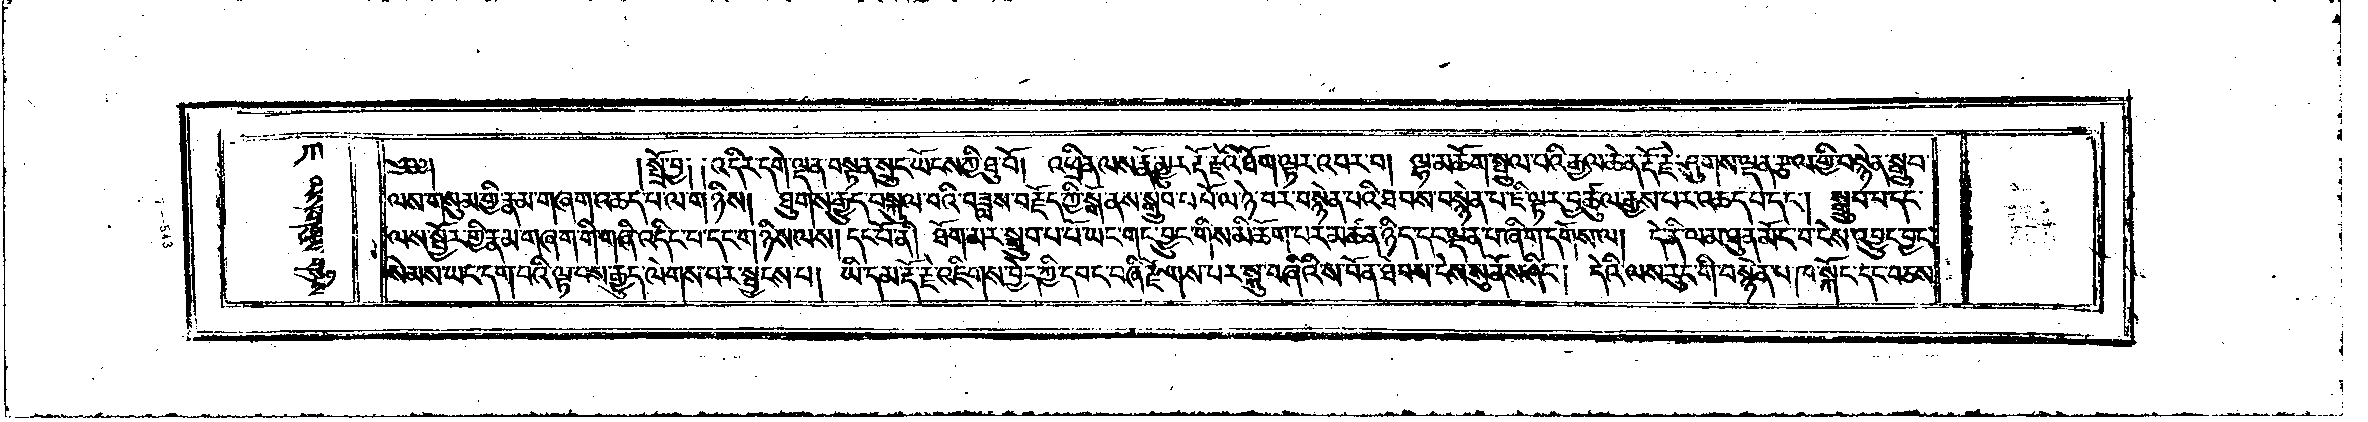༄༅། །སྤྲོ་བྱ༑ ༑འདིར་དགེ་ལྡན་བསྟན་སྲུང་ཡོངས་ཀྱི་ཐུ་བོ། འཕྲིན་ལས་རྣོ་མྱུར་རྡོ་རྗེའི་ཐོག་ལྟར་འབར་བ། ལྷ་མཆོག་སྤྲུལ་པའི་རྒྱལ་ཆེན་རྡོ་རྗེ་ཤུགས་ལྡན་རྩལ་གྱི་བསྙེན་སྒྲུབ་
ལས་གསུམ་གྱི་རྣམ་གཞག་འཆད་པ་ལ་གསུམ། ཐུགས་རྒྱུད་བསྐུལ་བའི་བཟླས་བརྗོད་ཀྱི་སྒོ་ནས་སྒྲུབ་པ་པོ་ལ་ཉེ་བར་བསྙེན་པའི་ཐབས་བསྙེན་པ་ཇི་ལྟར་བྱ་ཚུལ་རྒྱས་བར་འཆད་པ་དང་། སྒྲུབ་བ་དང་
ལས་སྦྱོར་གྱི་རྣམ་གཞག་གི་གཞི་བདིང་བ་དང་གསུམ་ལས། དང་པོ་ནི། ཐོག་མར་སྒྲུབ་པ་པོ་ཡང་གང་བྱུང་གིས་མི་མཆོག་པར་མཚན་ཉིད་དང་ལྡན་པ་ཞིག་དགོས་ལ། དེ་ནི་ལམ་ཐུན་མོང་བ་ངེས་འབྱུང་བྱང་
སེམས་ཡང་དག་པའི་ལྟ་བས་རྒྱུད་ལེགས་པར་སྦྱངས་པ། ཡི་དམ་རྡོ་རྗེ་འཇིགས་བྱེད་ཀྱི་དབང་བཞི་རྫོགས་པར་སྐུ་བཞིའི་ས་བོན་ཐེབས་ངེས་སུ་ནོས་ཞིང་། དེའི་ལས་རུང་གི་བསྙེན་པ་ཁ་སྐོང་དང་བཅས་